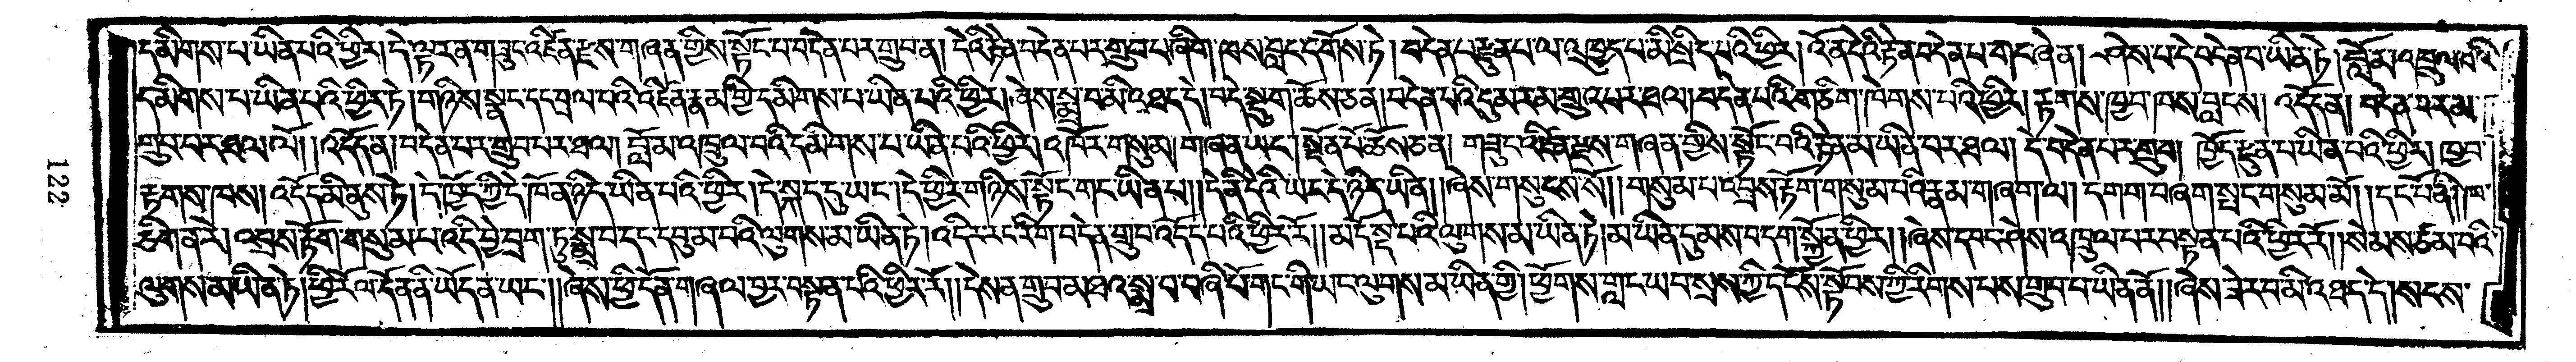དམིགས་པ་ཡིན་པའི་ཕྱིར། དེ་ལྟར་ན་གཟུང་འཛིན་རྫས་གཞན་གྱིས་སྟོང་པ་བདེན་པར་གྲུབ་ན། དེའི་རྟེན་བདེན་པར་གྲུབ་པ་ཞིག་ཁས་བླང་དགོས་ཏེ། བདེན་པ་རྫུན་པ་ལ་འཁྱུད་པ་མི་སྲིད་པའི་ཕྱིར། འོ་ན་དེའི་རྟེན་བདེན་པ་གང་ཞེ་ན། ཤེས་པ་དེ་བདེན་པ་ཡིན་ཏེ། བློ་མ་འཁྲུལ་བའི་
དམིགས་པ་ཡིན་པའི་ཕྱིར་ཏེ། གཉིས་སྣང་དང་བྲལ་བའི་འཛིན་རྣམ་གྱི་དམིགས་པ་ཡིན་པའི་ཕྱིར། ཞེས་སྨྲ་བ་མི་འཐད་དེ། བདེ་སྡུག་ཆོས་ཅན། བདེན་པའི་དུ་མར་མ་གྲུབ་པར་ཐལ། བདེན་པའི་གཅིག་ཁེགས་པའི་ཕྱིར། རྟགས་ཁྱབ་ཁས་བླངས། འདོད་ན། བདེན་པར་མ་
གྲུབ་པར་ཐལ་ལོ། །འདོད་ན། བདེན་པར་གྲུབ་པར་ཐལ། བློ་མ་འཁྲུལ་བའི་དམིགས་པ་ཡིན་པའི་ཕྱིར། འཁོར་གསུམ། གཞན་ཡང་། སྔོན་པོ་ཆོས་ཅན། གཟུང་འཛིན་རྫས་གཞན་གྱིས་སྟོང་བའི་རྟེན་མ་ཡིན་པར་ཐལ། དེ་བདེན་པར་གྲུབ། ཁྱོད་རྫུན་པ་ཡིན་པའི་ཕྱིར། ཁྱབ་
རྟགས་ཁས། འདོད་མི་ནུས་ཏེ། དེ་ཁྱོད་ཀྱི་དེ་ཁོ་ན་ཉིད་ཡིན་པའི་ཕྱིར། དེ་སྐད་དུ་ཡང་། དེ་ཕྱིར་གཉིས་སྟོང་གང་ཡིན་པ། །དེ་ནི་དེའི་ཡང་དེ་ཉིད་ཡིན། །ཞེས་གསུངས་སོ། །གསུམ་པ་འབྲས་རྟོག་གསུམ་པའི་རྣམ་གཞག་ལ། དགག་བཞག་སྤང་གསུམ་མོ། །དང་པོ་ནི། ཁ་
ཅིག་ན་རེ། འབྲས་རྟོག་གསུམ་པ་འདི་བྱེ་བྲག་ཏུ་སྨྲ་བ་དང་དབུ་མ་པའི་ལུགས་མ་ཡིན་ཏེ། འདིར་རང་རིག་བདེན་གྲུབ་འདོད་པའི་ཕྱིར་རོ། །མདོ་སྡེ་པའི་ལུགས་མ་ཡིན་ཏེ། མ་ཡིན་དུ་མས་བདག་སྐྱོན་ཕྱིར། ཞས་དབང་ཤེས་འཁྲུལ་པར་བསྟན་པའི་ཕྱིར་རོ། །སེམས་ཙམ་པའི་
ལུགས་མ་ཡིན་ཏེ། ཕྱི་རོལ་དོན་ནི་ཡོད་ན་ཡང་། །ཞེས་ཕྱི་དོན་གཞལ་བྱར་བསྟན་པའི་ཕྱིར་རོ། །དེས་ན་གྲུབ་མཐའ་སྨྲ་བ་བཞི་པོ་གང་གི་ཡང་ལུགས་མ་ཡིན་གྱི། ཕྱོགས་གླང་ཡབ་སྲས་ཀྱི་དངོས་སྟོབས་ཀྱི་རིགས་པས་གྲུབ་པ་ཡིན་ནོ། །ཞེས་ཟེར་བ་མི་འཐད་དེ། སངས་